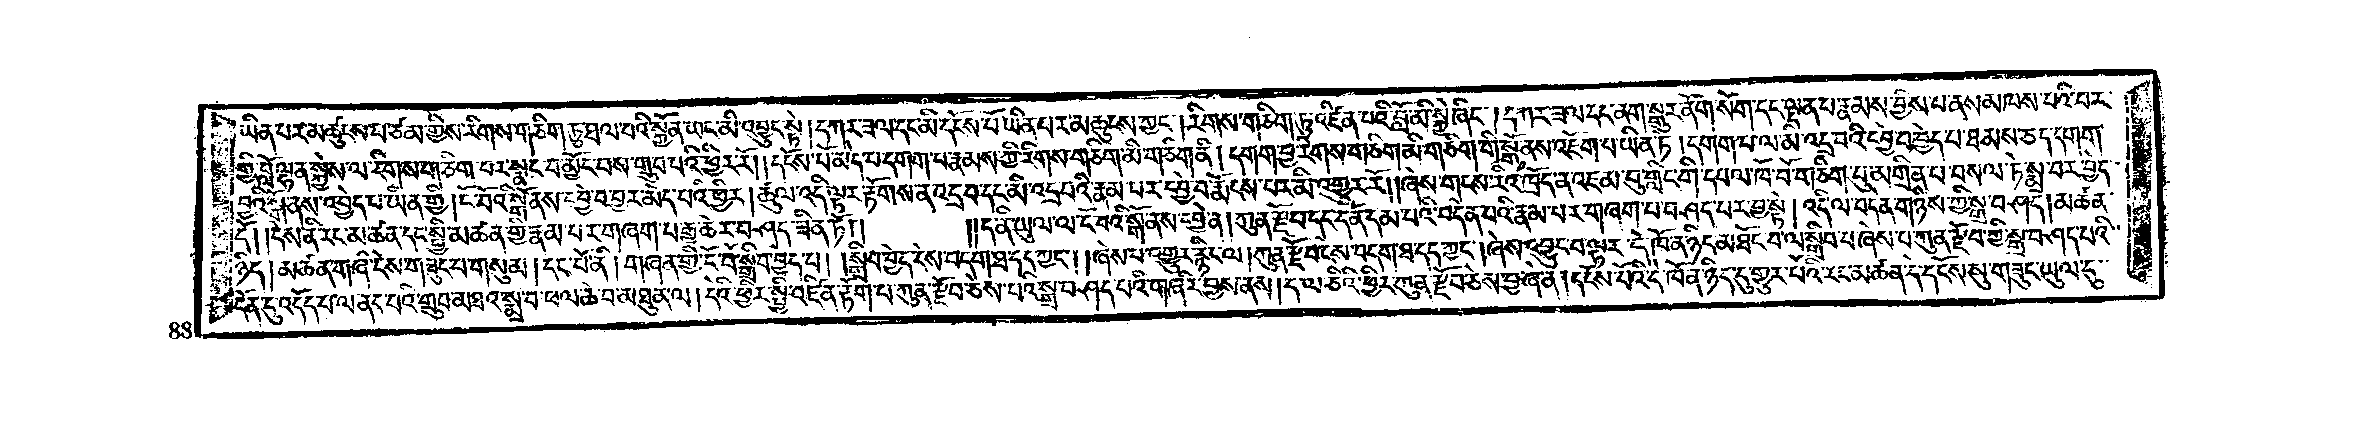ཡིན་པར་མཚུངས་པ་ཙམ་གྱིས་རིགས་གཅིག་ཏུ་ཐལ་བའི་སྐྱོན་ཡང་མི་འབྱུང་སྟེ། དཀར་ཟལ་དང་མི་དངོས་པོ་ཡིན་པར་མཚུངས་ཀྱང་། རིགས་གཅིག་ཏུ་འཛིན་པའི་བློ་མི་སྐྱེ་ཞིང་། དཀར་ཟལ་དང་ནག་སྒུར་ནོག་སོག་དང་ལྡན་པ་རྣམས་བྱིས་པ་ནས་མཁས་པའི་བ་
གྱི་བློ་ལྷན་སྐྱེས་ལ་རིགས་གཅིག་པར་སྣང་བ་མྱོང་བས་གྲུབ་པའི་ཕྱིར་རོ། །དངོས་པོ་མེད་པ་དགག་པ་རྣམས་ཀྱི་རིགས་གཅིག་མི་གཅིག་ནི། དགག་བྱ་རིགས་གཅིག་མི་གཅིག་གི་སྒོ་ནས་འཇོག་པ་ཡིན་ཏེ། དགག་པ་ལ་མི་འདྲ་བའི་དབྱེ་བ་བྱེད་པ་ཐམས་ཅད་དགག་
བྱའི་སྒོ་ནས་འབྱེད་པ་ཡིན་གྱི། ངོ་བོའི་སྒོ་ནས་དབྱེ་བ་བྱར་མེད་པའི་ཕྱིར། ཚུལ་འདི་ལྟར་རྟོགས་ན་འདྲ་བ་དང་མི་འདྲ་བའི་རྣམ་པར་དབྱེ་བ་རྨོངས་པར་མི་འགྱུར་རོ། །ཞེས་གངས་རིའི་ཁྲོད་ན་འཛམ་བུ་གླིང་གི་དཔལ་ཁོ་བོ་གཅིག་པུ་མགྲིན་པ་བསལ་ཏེ་སྨྲ་བར་བྱེད་
དོ། །དེས་ནི་རང་མཚན་དང་སྤྱི་མཚན་གྱི་རྣམ་པར་གཞག་པ་རྒྱ་ཆེར་བཤད་ཟིན་ཏོ།། །།ད་ནི་ཡུལ་ལ་ངོ་བོའི་སྒོ་ནས་དབྱེ་ན། ཀུན་རྫོབ་དང་དོན་དམ་པའི་བདེན་པའི་རྣམ་པར་གཞག་པ་བཤད་པར་བྱ་སྟེ། འདི་ལ་བདེན་གཉིས་ཀྱི་སྒྲ་བཤད། མཚན་
ཉིད། མཚན་གཞི་ངེས་གཟུང་བ་གསུམ། དང་པོ་ནི། གཞན་གྱི་ངོ་བོ་སྒྲིབ་བྱེད་པ། །སྒྲིབ་བྱེད་ངེས་བདག་ཐ་དད་ཀྱང་། །ཞེས་པ་འགྱུར་རྙིང་ལ། ཀུན་རྫོབ་ངེས་བདག་ཐ་དད་ཀྱང་། ཞེས་འབྱུང་བ་ལྟར་དེ་ཁོ་ན་ཉིད་མཐོང་བ་ལ་སྒྲིབ་པ་ཞེས་པ་ཀུན་རྫོབ་ཀྱི་སྒྲ་བཤད་པའི་
དོན་དུ་འདོད་པ་ལ་ནང་པའི་གྲུབ་མཐའ་སྨྲ་བ་ཕལ་ཆེ་བ་མཐུན་ལ། དེའི་ཕྱིར་སྤྱི་འཛིན་རྟོག་པ་ཀུན་རྫོབ་ཅེས་པའི་སྒྲ་བཤད་པའི་གཞིར་བྱས་ནས། དེ་ལ་ཅིའི་ཕྱིར་ཀུན་རྫོབ་ཅེས་བྱ་ཞེ་ན། དངོས་པོའི་དེ་ཁོ་ན་ཉིད་དུ་གྱུར་པའི་རང་མཚན་དེ་དངོས་སུ་གཟུང་ཡུལ་དུ་